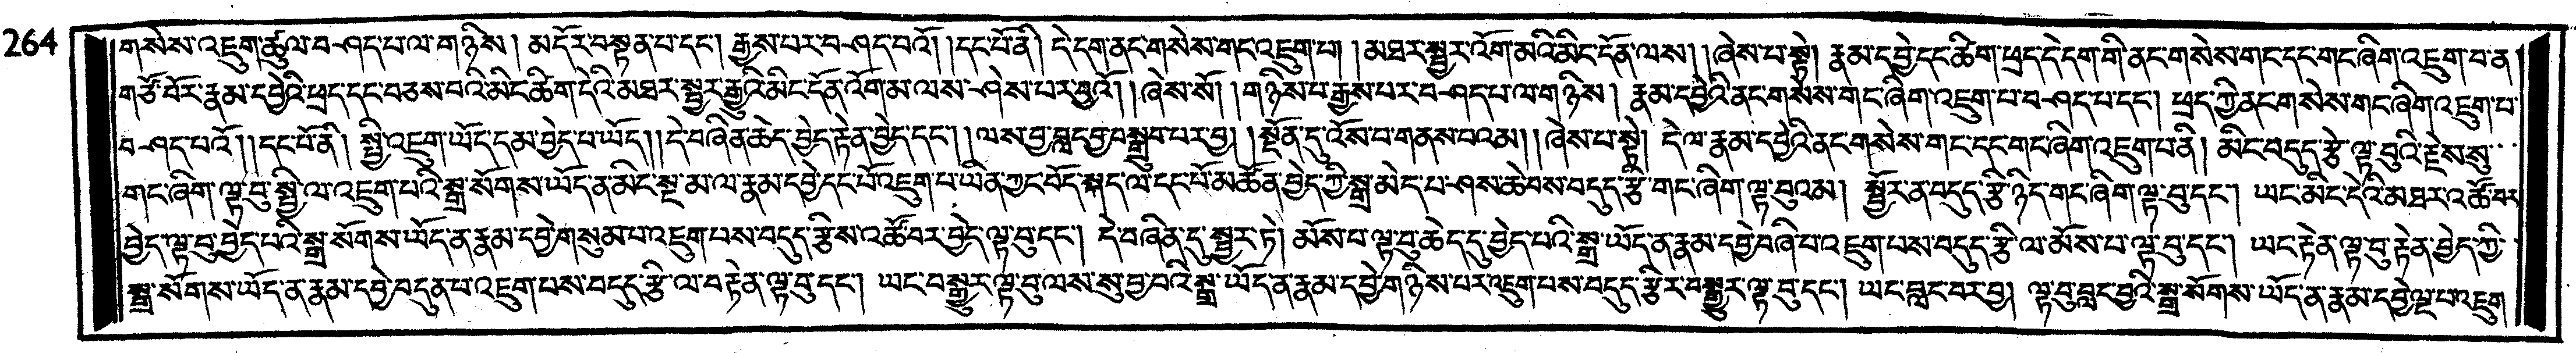གསེས་འཇུག་ཚུལ་བཤད་པ་ལ་གཉིས། མདོར་བསྟན་པ་དང་། རྒྱས་པར་བཤད་པའོ། །དང་པོ་ནི། དེ་དག་ནང་གསེས་གང་འཇུག་པ། །མཐར་སྦྱར་འོག་མའི་མིང་དོན་ལས། །ཞེས་པ་སྟེ། རྣམ་དབྱེ་དང་ཚིག་ཕྲད་དེ་དག་གི་ནང་གསེས་གང་དང་གང་ཞིག་འཇུག་བ་ན་
གཙོ་བོར་རྣམ་དབྱེའི་ཕྲད་དང་བཅས་བའི་མིང་ཚིག་དེའི་མཐར་སྦྱར་རྒྱུའི་མིང་དོན་འོག་མ་ལས་ཤེས་པར་བྱའོ། །ཞེས་སོ། །གཉིས་པ་རྒྱས་པར་བཤད་པ་ལ་གཉིས། རྣམ་དབྱེའི་ནང་གསེས་གང་ཞིག་འཇུག་པ་བཤད་པ་དང་། ཕྲད་ཀྱི་ནང་གསེས་གང་ཞིག་འཇུག་པ་
བཤད་པའོ། །དང་པོ་ནི། སྤྱི་འཇུག་ཡོད་དམ་བྱེད་པ་ཡོད། །དེ་བཞིན་ཆེད་བྱེད་རྟེན་བྱེད་དང་། །ལས་བྱ་བླང་བྱ་བསྒྲུབ་པར་བྱ། །སྔོན་དུ་འོས་པ་གནས་པའམ། །ཞེས་པ་སྟེ། དེ་ལ་རྣམ་དབྱེའི་ནང་གསེས་གང་དང་གང་ཞིག་འཇུག་པ་ནི། མིང་བདུད་རྩེ་ལྟ་བུའི་རྗེས་སུ་
གང་ཞིག་ལྟ་བུ་སྤྱི་ལ་འཇུག་པའི་སྒྲ་སོགས་ཡོད་ན་མིང་སྔ་མ་ལ་རྣམ་དབྱེ་དང་པོ་འཇུག་པ་ཡིན་ཀྱང་བོད་སྐད་ལ་དང་པོ་མཚོན་བྱེད་ཀྱི་སྒྲ་མེད་པ་ཤས་ཆེ་བས་བདུད་རྩི་གང་ཞིག་ལྟ་བུའམ། སྦྱོར་ན་བདུད་རྩི་ཉིད་གང་ཞིག་ལྟ་བུ་དང་། ཡང་མིང་དེའི་མཐར་འཚོ་བར་
བྱེད་ལྟ་བུ་བྱེད་པའི་སྒྲ་སོགས་ཡོད་ན་རྣམ་དབྱེ་གསུམ་པ་འཇུག་པས་བདུད་རྩིས་འཚོ་བར་བྱེད་ལྟ་བུ་དང་། དེ་བཞིན་དུ་སྦྱར་ཏེ། མོས་པ་ལྟ་བུ་ཆེད་དུ་བྱེད་པའི་སྒྲ་ཡོད་ན་རྣམ་དབྱེ་བཞི་པ་འཇུག་པས་བདུད་རྩི་ལ་མོས་པ་ལྟ་བུ་དང་། ཡང་རྟེན་ལྟ་བུ་རྟེན་བྱེད་ཀྱི་
སྒྲ་སོགས་ཡོད་ན་རྣམ་དབྱེ་བདུན་པ་འཇུག་པས་བདུད་རྩི་ལ་བརྟེན་ལྟ་བུ་དང་། ཡང་བསྒྱུར་ལྟ་བུ་ལས་སུ་བྱ་བའི་སྒྲ་ཡོད་ན་རྣམ་དབྱེ་གཉིས་པར་འཇུག་པས་བདུད་རྩིར་བསྒྱུར་ལྟ་བུ་དང་། ཡང་བླང་བར་བྱ། ལྟ་བུ་བླང་བྱའི་སྒྲ་སོགས་ཡོད་ན་རྣམ་དབྱེ་ལྔ་པ་འཇུག་